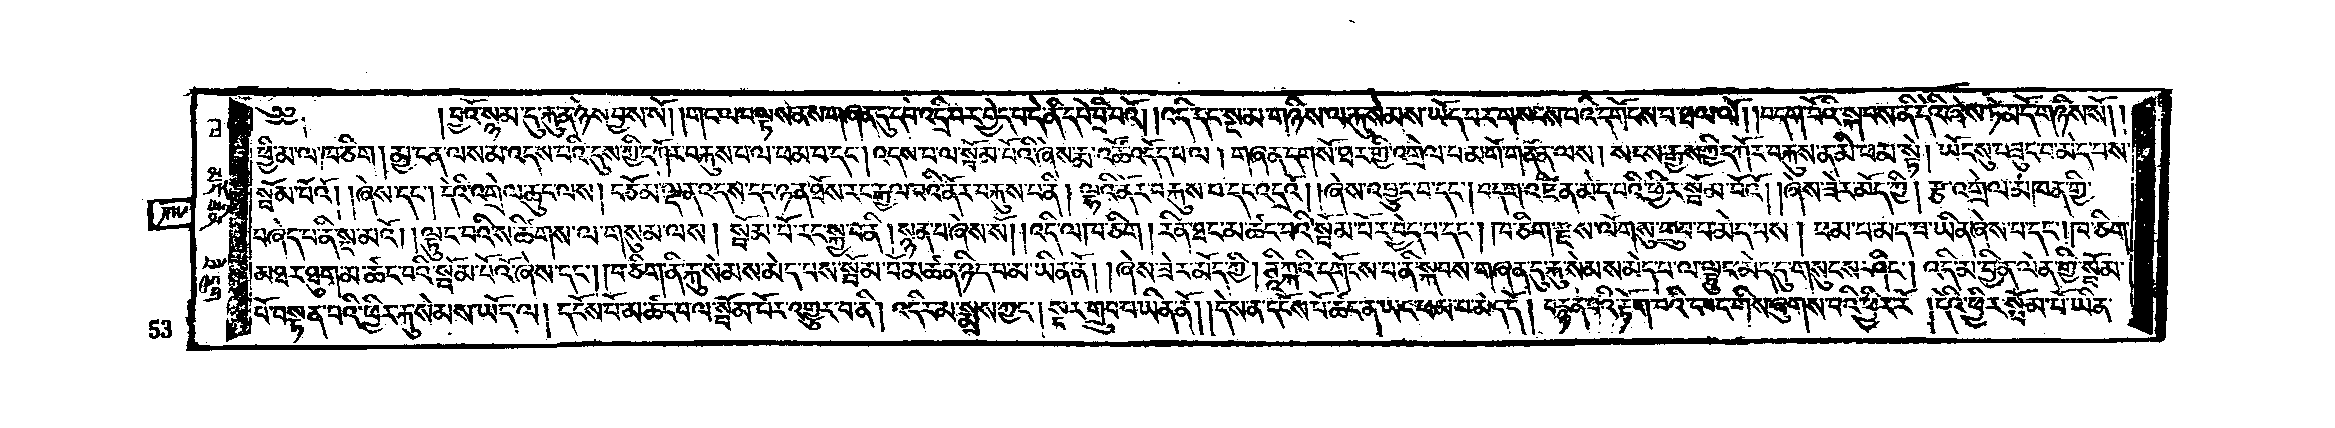༄༅། །བྱའོ་སྙམ་དུ་རྐུ་ན་ཉེས་བྱས་སོ། །གང་ལ་བལྟས་ནས་གཞན་དུ་དཔེ་འདྲི་བར་བྱེད་པ་དེ་ནི་དཔེ་བྲི་པའོ། །འདི་དང་སྔ་མ་གཉིས་ལ་རྐུ་སེམས་ཡོད་པར་གསུངས་པའི་དགོངས་པ་ཐལ་ལོ། །བདག་པོའི་སྐབས་ནི་དེའི་ཞེས་ཏེ་མདོ་གཉིས་སོ། །
ཕྱི་མ་ལ་ཁ་ཅིག །མྱ་ངན་ལས་མ་འདས་པའི་དུས་ཀྱི་དཀོར་བརྐུས་པ་ལ་ཕམ་པ་དང་། འདས་པ་ལ་སྤོམ་པོའི་ཞེས་རྨ་འཚོ་འདོད་པ་ལ། གཞན་དག་སོ་ཐར་གྱི་འགྲེལ་པ་མགོ་གནོན་ལས། སངས་རྒྱས་ཀྱི་དཀོར་བརྐུས་ན་མི་ཕམ་སྟེ། ཡོངས་སུ་བཟུང་བ་མེད་པས་
སྦོམ་པོའོ། །ཞེས་དང་། དེའི་འགྲེལ་ཆུང་ལས། བཅོམ་ལྡན་འདས་དང་ཉན་ཐོས་རང་རྒྱལ་བའི་ནོར་བརྐུས་པ་ནི། ལྷའི་ནོར་བརྐུས་པ་དང་འདྲའོ། །ཞེས་འབྱུང་བ་དང་། བདག་འཛིན་མེད་པའི་ཕྱིར་སྦོམ་པོའོ། །ཞེས་ཟེར་མོད་ཀྱི། རྩ་འགྲེལ་མཁན་གྱི་
བཞེད་པ་ནི་སྔ་མའོ། །ལྟུང་བའི་ས་ཚིགས་ལ་གསུམ་ལས། སྦོམ་པོ་རང་སྐྱ་བ་ནི། སྙན་པ་ཞེས་སོ། །འདི་ལ་ཁ་ཅིག །རིན་ཐང་མ་ཚང་བའི་སྦོམ་པོར་བྱེད་པ་དང་། ཁ་ཅིག་རྫས་ལོགས་སུ་གྲུབ་པ་མེད་པས། ཕམ་པ་མད་པ་ཡིན་ཞེས་པ་དང་། ཁ་ཅིག་
མཐར་ཐུག་མ་ཚང་བའི་སྦོམ་པོའོ་ཞེས་དང་། ཁ་ཅིག་ནི་རྐུ་སེམས་མེད་པས་སྦོམ་པོ་མཚན་ཉིད་པ་མ་ཡིན་ནོ། །ཞེས་ཟེར་མོད་ཀྱི། ཊཱིཀྐའི་དགོངས་པ་ནི་སྐབས་གཞན་དུ་རྐུ་སེམས་མེད་པ་ལ་ལྟུང་མེད་དུ་གསུངས་ཤིང་། འདི་མ་བྱིན་ལེན་གྱི་སྦོམ་
པོ་བསྟན་པའི་ཕྱིར་རྐུ་སེམས་ཡོད་ལ། དངོས་པོ་མ་ཚང་བ་ལ་སྦོམ་པོར་འགྱུར་བ་ནི། འདིར་མ་སྨྲས་ཀྱང་། སྔར་གྲུབ་པ་ཡིན་ནོ། །དེས་ན་དངོས་པོ་ཚང་ན་ཡང་ཕམ་པ་མེད་དོ། བརྙན་པའི་རྟོག་པའི་དབང་གིས་ཞུགས་པའི་ཕྱིར་རོ་།དེའི་ཕྱིར་སྦོམ་པོ་ཡིན་